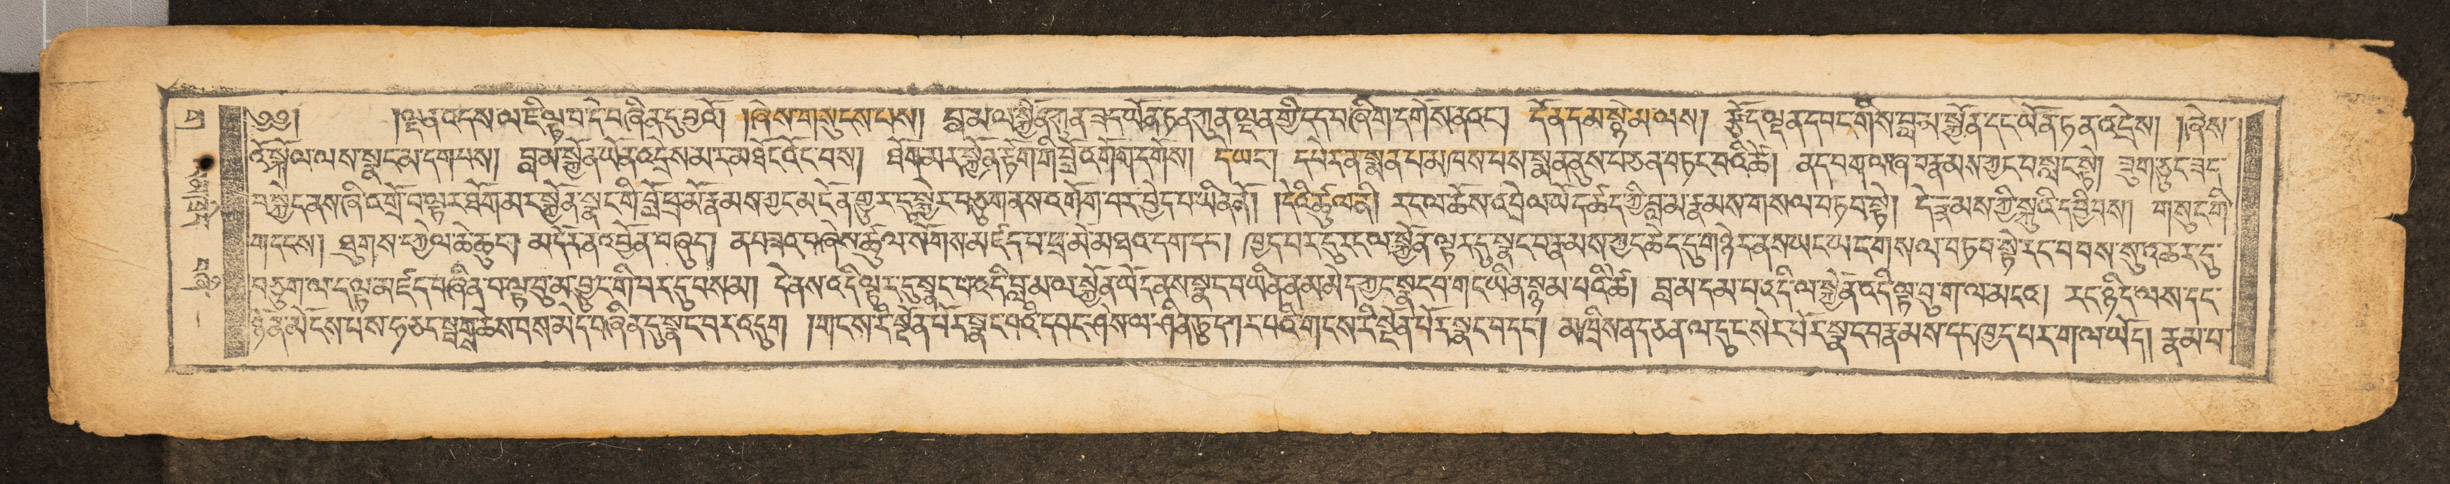༄༅། །ལྡན་འདས་ལ་ཇི་ལྟ་བ་དེ་བཞིན་དུ་བྱའོ། །ཞེས་གསུངས་པས། བླ་མ་ལ་སྐྱོན་ཀུན་ཟད་ཡོན་ཏན་ཀུན་ལྡན་གྱི་དད་པ་ཞིག་དགོས་ནའང་། དོན་དམ་སྙེ་མ་ལས། རྩོད་ལྡན་དབང་གིས་བླ་མ་སྐྱོན་དང་ཡོན་ཏན་འདྲེས། །ཞེས་
འོ་སྐོལ་ལས་སྣང་མ་དག་པས། བླ་མ་སྐྱོན་ཡོན་འདྲེས་མར་མཐོང་འོང་བས། ཐོག་མར་སྐྱོན་རྟོག་གི་བློ་འགོག་དགོས། དེ་ཡང་། དཔེར་ན་སྨན་པ་མཁས་པས་སྨན་ནུས་པ་ཅན་བཏང་པའི་ཚེ། ནད་བག་ལ་ཞ་བ་རྣམས་ཀྱང་བསླང་སྟེ། ཟུག་ཅུང་ཟད་
བསྐྱེད་ནས་ཞི་འགྲོ་བ་ལྟར་ཐོག་མར་སྐྱོན་སྣང་གི་བློ་ཕྲ་མོ་རྣམས་ཀྱང་མངོན་གྱུར་དུ་སྐྱེར་བཅུག་ནས་འགོག་པར་བྱེད་པ་ཡིན་ནོ། །དེའི་ཚུལ་ནི། རང་ལ་ཆོས་འབྲེལ་ཡོད་ཚད་ཀྱི་བླ་མ་རྣམས་གསལ་བཏབ་སྟེ། དེ་རྣམས་ཀྱི་སྐུའི་དབྱིབས། གསུང་གི་
གདངས། ཐུགས་དཀྱེལ་ཆེ་ཆུང་། མདོར་ན་འབྱོན་བཞུད། ན་བཟའ་བཞེས་ཚུལ་སོགས་མཛད་པ་ཕྲ་མོ་མཐའ་དག་དང་། ཁྱད་པར་དུ་རང་ལ་སྐྱོན་ལྟར་དུ་སྣང་བ་རྣམས་ཀྱང་ཆེད་དུ་གཉེར་ནས་ཡང་ཡང་གསལ་བཏབ་སྟེ་རང་བབས་སུ་འཆར་དུ་
བཅུག་ལ་ད་ལྟ་མཛད་བཞིན་པ་ལྟ་བུ་མ་བྱུང་གི་བར་དུ་བསམ། དེ་ནས་འདི་ལྟར་དུ་སྣང་བ་འདི་བླ་མ་ལ་སྐྱོན་ཡོད་ནས་སྣང་བ་ཡིན་ནམ་མེད་ཀྱང་སྣང་བ་གང་ཡིན་སྙམ་པའི་ཚེ། བླ་མ་དམ་པ་འདི་ལ་སྐྱོན་འདི་ལྟ་བུ་ག་ལ་མངའ། རང་ཉིད་ལས་དང་
ཉོན་མོངས་པས་ཧ་ཅང་སྤགས་ཆེས་བས་མེད་པ་ཞིན་དུ་སྣང་བར་འདུག །གངས་རི་སྔོན་པོར་སྣང་བའི་དབང་ཤེས་ལ་ཤིན་ཏུ་དཀར་པའི་གངས་རི་སྔོན་པོར་སྣང་བ་དང་། མཁྲིས་ནད་ཅན་ལ་དུང་སེར་པོར་སྣང་བ་རྣམས་དང་ཁྱད་པར་ག་ལ་ཡོད། རྣམ་པ་